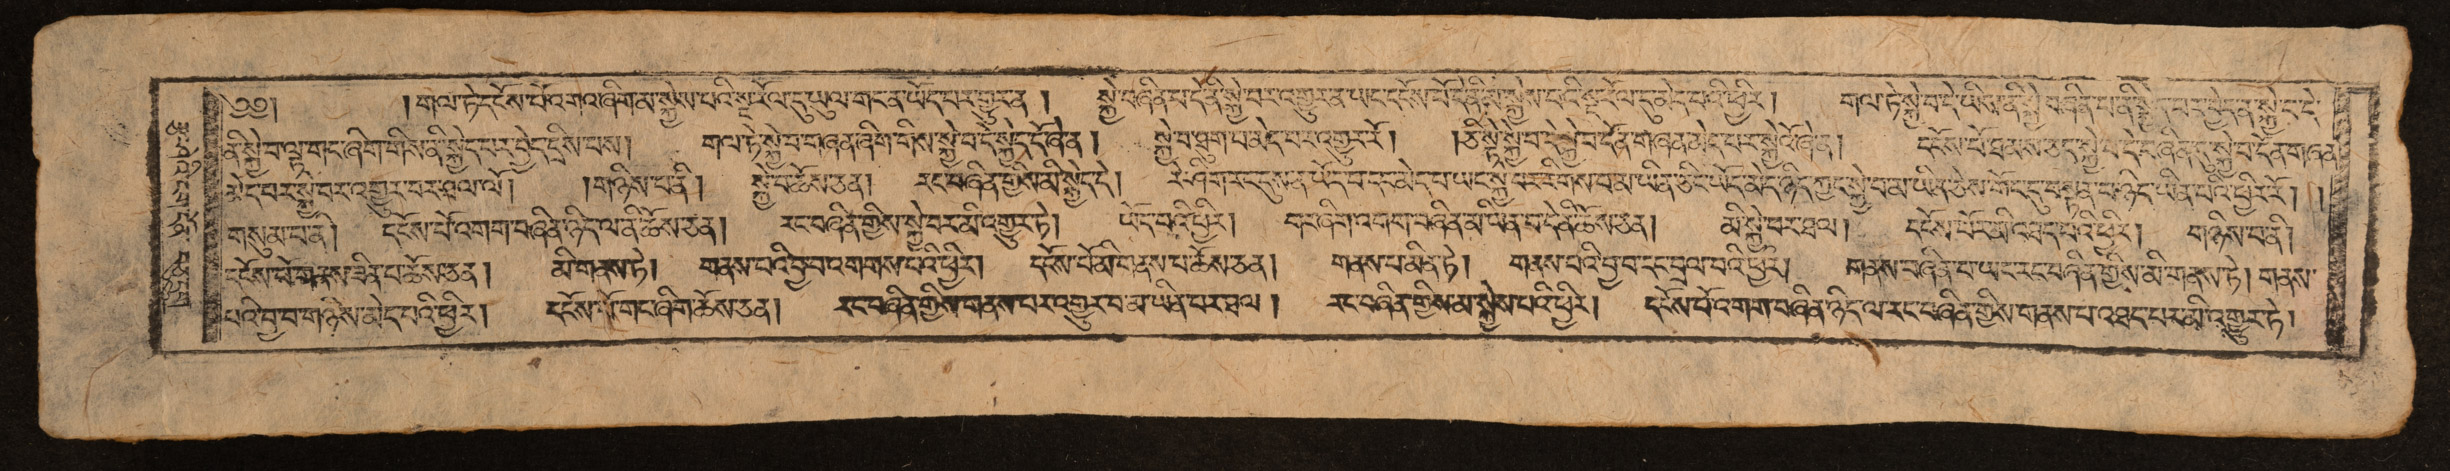༄༅། །གལ་ཏེ་དངོས་པོ་འགའ་ཞིག་མ་སྐྱེས་པའི་སྔ་རོལ་དུ་ཡུལ་གང་ན་ཡོད་པར་གྱུར་ན། སྐྱེ་བཞིན་པ་དེ་ནི་སྐྱེ་བར་འགྱུར་ན་ཡང་དངོས་པོ་དེ་ནི་མ་སྐྱེས་པའི་སྔ་རོལ་དུ་མེད་པའི་ཕྱིར། གལ་ཏེ་སྐྱེ་བ་དེ་ཡིས་ནི་སྐྱེ་བཞིན་པ་ནི་སྐྱེད་པར་བྱེད་ན་སྐྱེ་བ་དེ་
ནི་སྐྱེ་བ་ལྟ་གང་ཞིག་གིས་ནི་སྐྱེད་པར་བྱེད་དྲིས་པས། གལ་ཏེ་སྐྱེ་བ་གཞན་ཞིག་གིས་སྐྱེ་བ་དེ་སྐྱེད་དོ་ཞེ་ན། སྐྱེ་བ་ཐུག་པ་མེད་པར་འགྱུར་རོ། །ཅི་སྟེ་སྐྱེ་བ་དེ་སྐྱེ་བ་དོན་གཞན་མེད་པར་སྐྱེའོ་ཞེ་ན། དངོས་པོ་ཐམས་ཅད་སྐྱེ་བ་དེ་བཞིན་དུ་སྐྱེ་བ་དོན་གཞན་
མེད་པར་སྐྱེ་བར་འགྱུར་བར་ཐལ་ལོ། །གཉིས་པ་ནི། སྐྱེ་བ་ཆོས་ཅན། རང་བཞིན་གྱིས་མི་སྐྱེད་དེ། རེ་ཤིག་རང་དུས་ན་ཡོད་པ་དང་མེད་པ་ཡང་སྐྱེ་བར་རིགས་པ་མ་ཡིན་ཅིང་ཡོད་མེད་ཉིད་ཀྱང་སྐྱེ་བ་མ་ཡིན་ཅེས་གོང་དུ་བསྟན་པ་ཉིད་ཡིན་པའི་ཕྱིར་རོ། །
གསུམ་པ་ནི། དངོས་པོ་འགག་བཞིན་ཉིད་ལ་ནི་ཆོས་ཅན། རང་བཞིན་གྱིས་སྐྱེ་བར་མི་འགྱུར་ཏེ། ཡོད་པའི་ཕྱིར། གང་ཞིག་འགག་བཞིན་མ་ཡིན་པ་དེ་ནི་ཆོས་ཅན། མི་སྐྱེ་བར་ཐལ། དངོས་པོར་མི་འཐད་པའི་ཕྱིར། གཉིས་པ་ནི།
དངོས་པོ་གནས་ཟིན་པ་ཆོས་ཅན། མི་གནས་ཏེ། གནས་པའི་བྱ་བ་འགགས་པའི་ཕྱིར། དངོས་པོ་མི་གནས་པ་ཆོས་ཅན། གནས་པ་མིན་ཏེ། གནས་པའི་བྱ་བ་དང་བྲལ་བའི་ཕྱིར། གནས་བཞིན་པ་ཡང་རང་བཞིན་གྱིས་མི་གནས་ཏེ། གནས་
པའི་བྱ་བ་གཉིས་མེད་པའི་ཕྱིར། དངོས་པོ་གང་ཞིག་ཆོས་ཅན། རང་བཞིན་གྱིས་གནས་པར་འགྱུར་བ་མ་ཡིན་པར་ཐལ། རང་བཞིན་གྱིས་མ་སྐྱེས་པའི་ཕྱིར། དངོས་པོ་འགག་བཞིན་ཉིད་ལ་རང་བཞིན་གྱིས་གནས་པ་འཐད་པར་མི་འགྱུར་ཏེ།